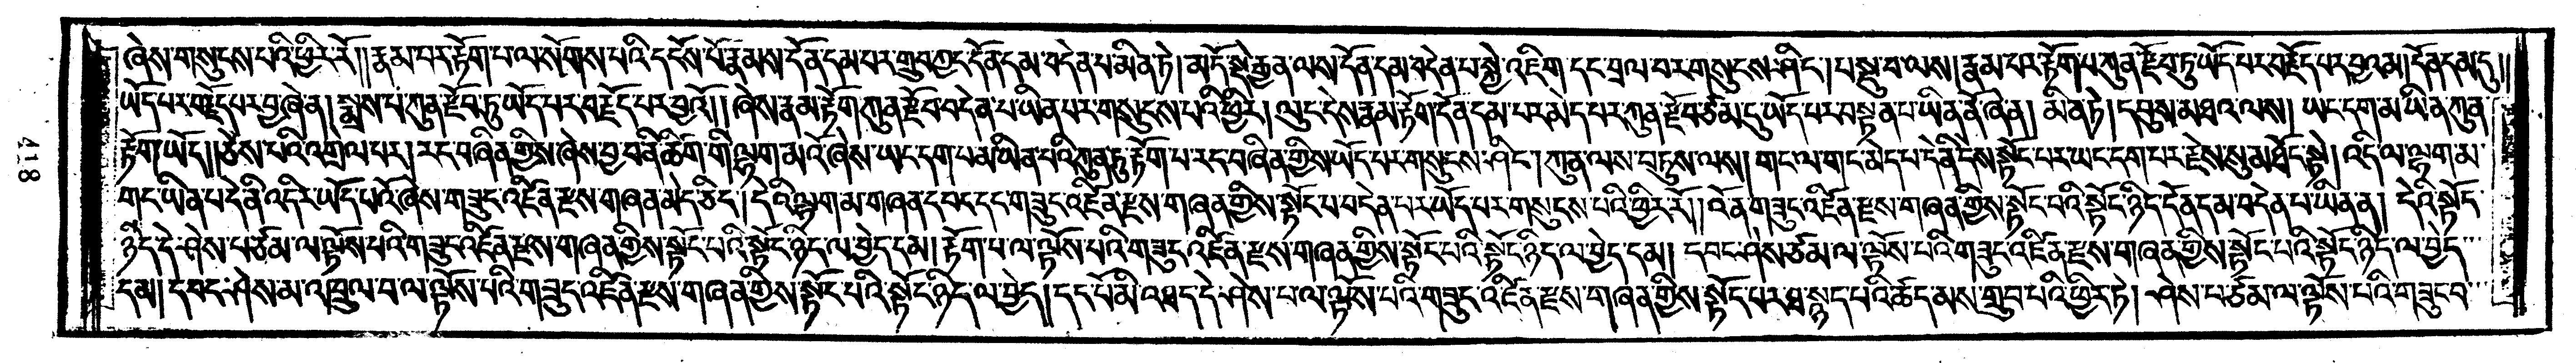ཞེས་གསུངས་པའི་ཕྱིར་རོ། །རྣམ་པར་རྟོག་པ་ལ་སོགས་པའི་དངོས་པོ་རྣམས་དོན་དམ་པར་གྲུབ་ཀྱང་དོན་དམ་པ་བདེན་པ་མིན་ཏེ། མདོ་སྡེ་རྒྱན་ལས་དོན་དམ་བདེན་པ་སྐྱེ་འཇིག་དང་བྲལ་བར་གསུངས་ཤིང་། བསྡུ་བ་ལས། རྣམ་པར་རྟོག་པ་ཀུན་རྫོབ་ཏུ་ཡོད་པར་བརྗོད་པར་བྱའམ། དོན་དམ་དུ་
ཡོད་པར་བརྗོད་པར་བྱ་ཞེ་ན། སྨྲས་པ་ཀུན་རྫོབ་ཏུ་ཡོད་པར་བརྗོད་པར་བྱའོ། །ཞེས་རྣམ་རྟོག་ཀུན་རྫོབ་བདེན་པ་ཡིན་པར་གསུངས་པའི་ཕྱིར། ལུང་དེས་རྣམ་རྟོག་དོན་དམ་པར་མེད་པར་ཀུན་རྫོབ་ཙམ་དུ་ཡོད་པར་བསྟན་པ་ཡིན་ནོ་ཞེ་ན། མིན་ཏེ། དབུས་མཐའ་ལས། ཡང་དག་མ་ཡིན་ཀུན་
རྟོག་ཡོད། །ཅེས་པའི་འགྲེལ་པར། རང་བཞིན་གྱིས་ཞེས་བྱ་བ་ནི་ཚིག་གི་ལྷག་མའོ་ཞེས་ཡང་དག་པ་མ་ཡིན་པའི་ཀུན་ཏུ་རྟོག་པ་རང་བཞིན་གྱིས་ཡོད་པར་གསུངས་ཤིང་། ཀུན་ལས་བཏུས་ལས། གང་ལ་གང་མེད་པ་དེ་ནི་དེས་སྟོང་པར་ཡང་དག་པར་རྗེས་སུ་མཐོང་སྟེ། འདི་ལ་ལྷག་མ་
གང་ཡིན་པ་དེ་ནི་འདིར་ཡོད་པའི་ཞེས་གཟུང་འཛིན་རྫས་གཞན་མེད་ཅིང་། དེའི་ལྷག་མ་གཞན་དབང་དང་གཟུང་འཛིན་རྫས་གཞན་གྱིས་སྟོང་པ་བདེན་པར་ཡོད་པར་གསུངས་པའི་ཕྱིར་རོ། །འོ་ན་གཟུང་འཛིན་རྫས་གཞན་གྱིས་སྟོང་པའི་སྟོང་ཉིད་དོན་དམ་བདེན་པ་ཡིན་ན། དེའི་སྟོང་
ཉིད་དེ་ཤེས་པ་ཙམ་ལ་ལྟོས་པའི་གཟུང་འཛིན་རྫས་གཞན་གྱིས་སྟོང་པའི་སྟོང་ཉིད་ལ་བྱེད་དམ། རྟོག་པ་ལ་ལྟོས་པའི་གཟུང་འཛིན་རྫས་གཞན་གྱིས་སྟོང་པའི་སྟོང་ཉིད་ལ་བྱེད་དམ། དབང་ཤེས་ཙམ་ལ་ལྟོས་པའི་གཟུང་འཛིན་རྫས་གཞན་གྱིས་སྟོང་པའི་སྟོང་ཉིད་ལ་བྱེད་
དམ། །དབང་ཤེས་མ་འཁྲུལ་བ་ལ་ལྟོས་པའི་གཟུང་འཛིན་རྫས་གཞན་གྱིས་སྟོང་པའི་སྟོང་ཉིད་ལ་བྱེད། དང་པོ་མི་འཐད་དེ་ཤེས་པ་ལ་ལྟོས་པའི་གཟུང་འཛིན་རྫས་གཞན་གྱིས་སྟོང་པར་ཐ་སྙད་པའི་ཚད་མས་གྲུབ་པའི་ཕྱིར་ཏེ། ཤེས་པ་ཙམ་ལ་ལྟོས་པའི་གཟུང་བ་